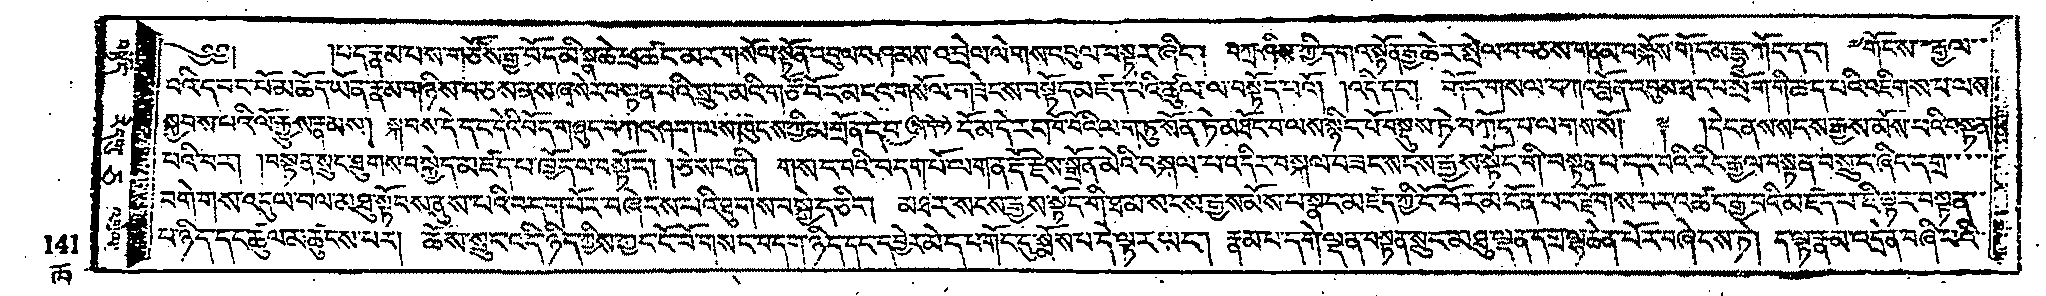༄༅། །པད་རྣམ་པས་གཙོས་རྒྱ་བོད་མི་སྣ་ཆེ་ཕྲ་ཚང་མར་གསོལ་སྟོན་འབུལ་བཤམས་འབྲེལ་ལེགས་འབུལ་བསྟར་ཞིང་། བཀྲ་ཤིས་ཀྱི་དགའ་སྟོན་རྒྱ་ཆེར་སྤེལ་བ་བཅས་གནམ་བསྐོས་གོང་མ་དྷཱ་ཀོང་དང་། ~གོང་ས་~རྒྱལ་
བའི་དབང་པོ་མཆོད་ཡོན་རྣམ་གཉིས་བཅས་ནས་ཞྭ་སེར་བསྟན་པའི་སྲུང་མའི་གཙོ་བོར་མངའ་གསོལ་གཟེངས་བསྟོད་མཛད་པའི་ཚུལ་ལ་བསྟོད་པའོ། །འདི་དང་། གོང་གསལ་བཀའ་བློན་འབུམ་ཐང་པ་སྲོག་གི་ཆད་པའི་འཇིགས་པ་ལས་
སྐྱབས་པའི་ལོ་རྒྱུས་རྣམས། སྐབས་དེ་དང་དེའི་བོད་གཞུང་བཀའ་ཤག་ལས་ཁུངས་ཀྱི་མགྲོན་དེབ་ཉིན་དེབ་ངོ་མ་དེ་རང་ཁོ་བོའི་ལག་ཏུ་སོན་ཏེ་མཐོང་བ་ལས་སྙིང་པོ་བསྡུས་ཏེ་བཀོད་པ་ལགས་སོ། ༈ །དེང་ནས་སངས་རྒྱས་མོས་པའི་བསྟན་
པའི་བར། །བསྟན་སྲུང་ཐུགས་བསྐྱེད་མཛད་པ་ཁྱོད་ལ་བསྟོད། །ཅེས་པ་ནི། གསང་བའི་བདག་པོ་ལག་ན་རྡོ་རྗེས་སྒྲོན་མེའི་བསྐལ་པ་འདིར་བསྐལ་བཟང་སངས་རྒྱས་སྟོང་གི་བསྟན་པ་དང་དར་བའི་རིང་རྒྱལ་བསྟན་བསྲུང་ཞིང་དགྲ་
བགེགས་འདུལ་བ་ལ་མཐུ་སྟོབས་ནུས་པའི་བདག་པོར་བཞེངས་པའི་ཐུགས་བསྐྱེད་ཅིང་། མཐར་སངས་རྒྱས་སྟོང་གི་ཐ་མ་སངས་རྒྱས་མོས་པ་སྣང་མཛད་ཀྱི་ངོ་བོར་མངོན་པར་རྫོགས་པར་འཚང་རྒྱ་བའི་མཛད་པ་ཇི་ལྟར་བསྟན་
པ་ཉིད་དང་ཚུལ་མཚུངས་པར། ཆོས་སྲུང་འདི་ཉིད་ཀྱིས་ཀྱང་ངོ་བོ་གསང་བདག་ཉིད་དང་དབྱེར་མེད་པ་གོང་དུ་སྨོས་པ་དེ་ལྟར་ཡང་། རྣམ་པ་དགེ་ལྡན་བསྟན་སྲུང་མཐུ་ལྡན་དགྲ་ལྷ་ཆེན་པོར་བཞེངས་ཏེ། ད་ལྟ་རྣམ་འདྲེན་བཞི་པའི་